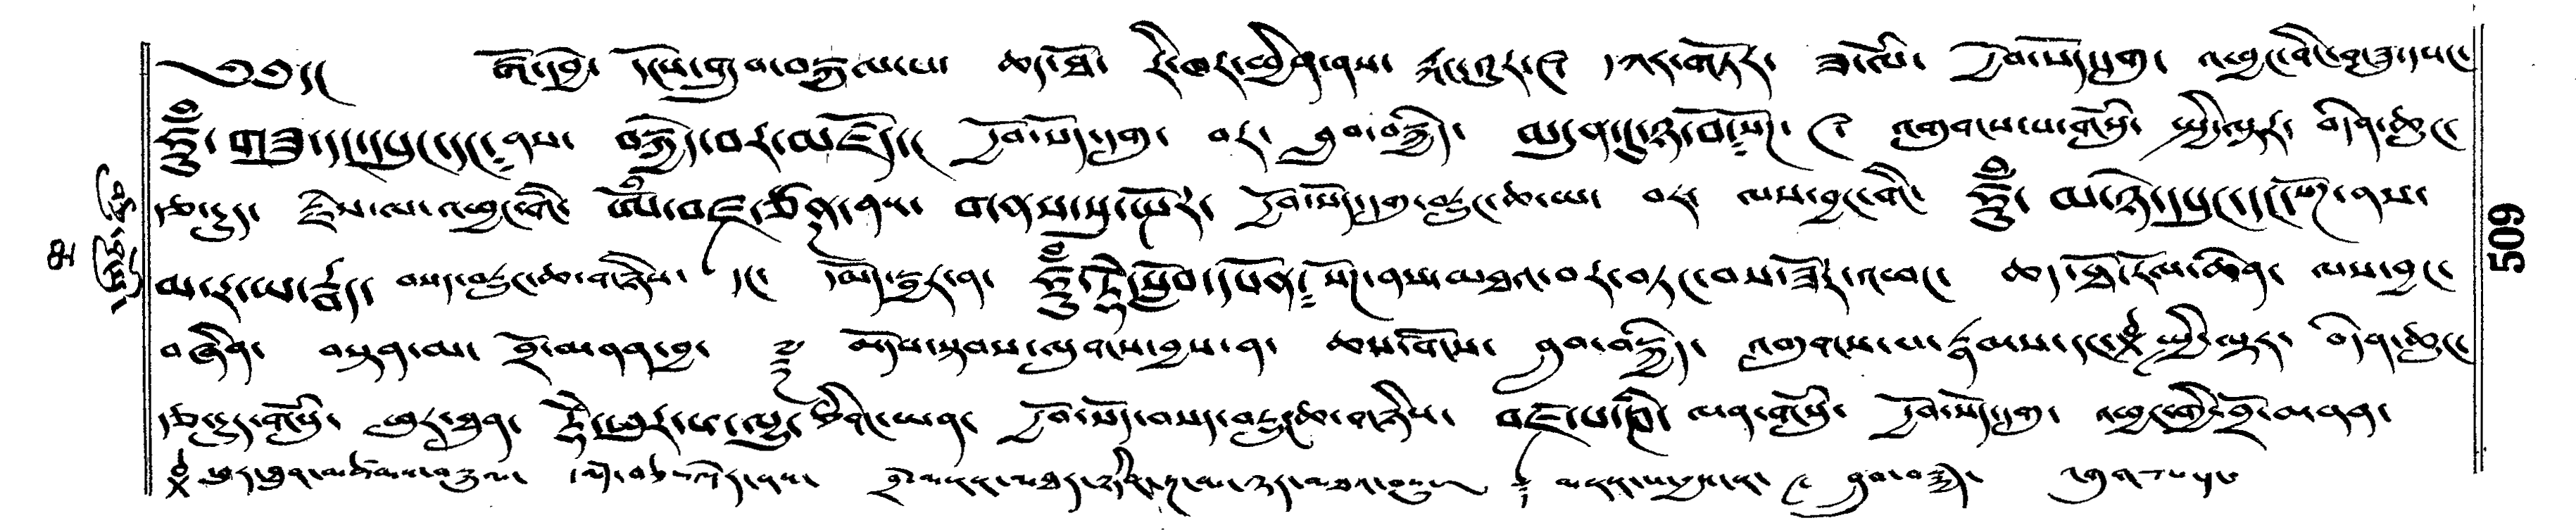སྒོ་དབྱེ། དངོས་གྲུབ་བསྐུལ་པ། ཆད་ཐོ། རི་ཁར་ཕྱིན་ནས། ( རྐང་འུར་དགུ ) དཀར་གཏོར། ཟ་ལམ། ( རྒྱོབ་སོད་དགུ ) འཕྱང་གི་གཟུ་དཔང་། 
ཧཱུྃ༔གཟུ་དང་དཔང་དུ༴ ནས། བསྐྱེད་པར་མཛོད༔ ( རྒྱོབ་སོད་དག ) ུ བར། བྲུབ་བསྐྱེད། མདུན་དུ་ཉ་བོ༴ སོགས། ( དགུ ) འགུགས་པ་གསུམ། སྤྱི་ལྟར། བདེན་ཆུང་། 
རྩ་རྒྱུད་རྗེས་ལ་འཕྱང་གི ཨོཾ་བཛྲ་ཙནྜ༴ ནས། གནས་སུ་སྤོར༔ ( རྒྱོབ་སོད་དགུ་བརྡུང་ཆ་ཡ། ) བར། ལས་བྱང་གི ཧཱུྃ༔ མ་ཉེས་དཔང་དུ༴ སོགས་ནས། 
མ་ར་ཡ་རྦད༔ ( བསད་བརྡུང་ཆ་གཉིས། ) དང་། དམོད་སྦྱར་ན། ཧཱུྃ༔རྡོ་རྗེ་སློབ་དཔོན༴ སོགས་ནས་མཐའ་བར་བཏང་ནས་ཟོར་འཕང་། ཆད་ཐོ་རོལ་ཆེན། ལས་བྱང་
བཞིན་བསྟན་མ། བྲོ་མནན་བྱ། ༈ མདོས་སྟབས་ལུགས་བྱས་ན། ཆས་གོས། བྲུབ་བསྐྱེད། འགུགས་པ་རྣམས་དང་། ཕུར་ཐུན་མཚམ་བསྐུལ། དམོད་བཅས་འདོར་ནས། བྲོ་མནན་མཐར་ཉིན་སྔ་མ་ལྟར་མཐའ་བསྡུ། ༈ མནན་པ་བྱས་ན། ( དགུ ) བྲུབ་བསྐྱེད། འགུགས་པ་དང་། སྤྱི་ལྟར་བདེན་ཆུང་། 
རྩ་རྒྱུད་གསུམ། ཕུར་ཐུན། རྡོ་རྗེ་ཕུར་པ༴ ལྷུ་ཅིག་ཡན། ( རྒྱོབ་སོད་བསད་བརྡུང་ཆ་གཉིས། ) བཛྲ་པ་ཎི༴ ལན་གསུམ། ( རྒྱོབ་སོད་དགུ ) འཕྱང་གྱི་བྲོ་མནན་